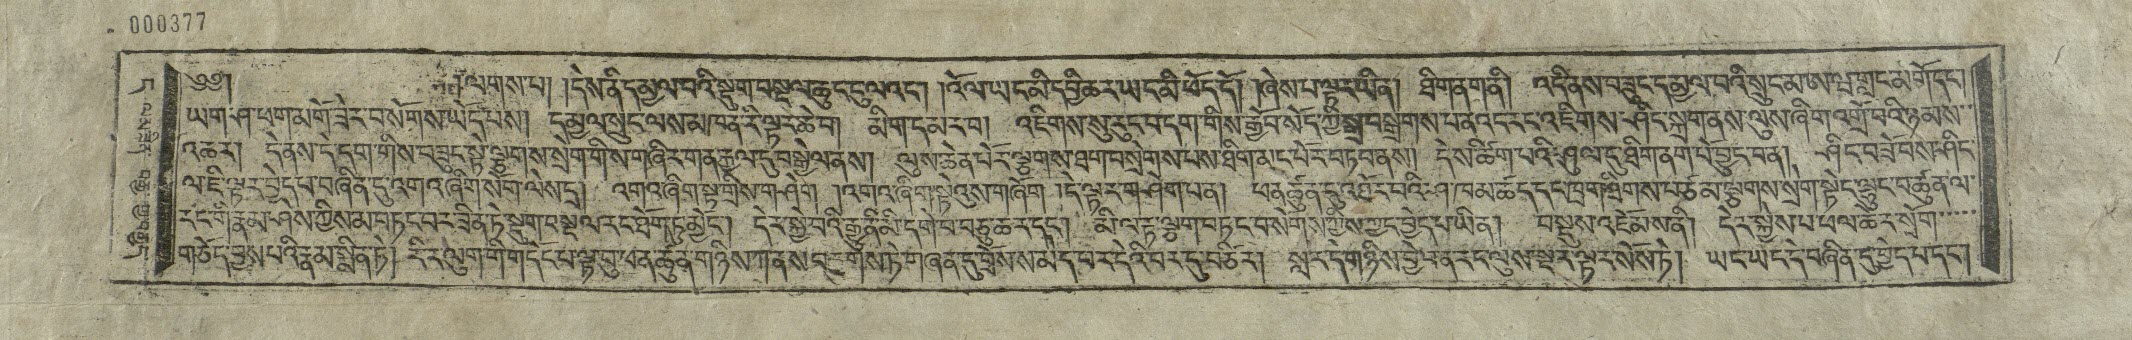༄༅། །ལགས་པ། །དེས་ནི་དམྱལ་བའི་སྡུག་བསྔལ་ཆུང་ངུ་ལའང་། །འོལ་ཡང་མི་དབྱི་ཆར་ཡང་མི་ཕོད་དོ། །ཞེས་པ་ལྟར་ཡིན། ཐིག་ནག་ནི། འདི་ནས་བཟུང་དམྱལ་བའི་སྲུང་མ་ཨ་ཝ་གླང་མགོ་དང་།
ཡག་ཤ་ཕག་མགོ་ཟེར་བ་སོགས་ཡོད་པས། དམྱལ་སྲུང་ལས་མཁན་རི་ལྟར་ཆེ་བ། མིག་དམར་བ། འཇིགས་སུ་རུང་བ་དག་གིས་རྒྱོབ་སོད་ཀྱི་སྒྲ་བསྒྲགས་པ་ནའང་རང་འཇིགས་ཤིང་སྐྲག་ནས་ལུས་ཞིག་འགྲོ་བའི་ཉམས་
འཆར། དེ་ནས་དེ་དག་གིས་བཟུང་སྟེ་ལྕགས་སྲེག་གི་ས་གཞིར་གན་རྐྱལ་དུ་བསྒྱེལ་ནས། ལུས་ཆེན་པོར་ལྕགས་ཐག་བསྲེགས་པས་ཐིག་མང་པོར་བཏབ་ནས། དེས་ཚིག་པའི་ཤུལ་དུ་ཐིག་ནག་པོ་བྱུང་བ་ན། ཤིང་བཟོ་བས་ཤིང་
ལ་ཇི་ལྟར་བྱེད་པ་བཞིན་དུ་འགའ་ཞིག་སོག་ལེས་དྲ། འགའ་ཞིག་སྟ་གྲིས་གཤེག །འགའ་ཞིག་སྟེའུས་གཞོག །དེ་ལྟར་གཤེག་པ་ན། ཕན་ཚུན་དུ་འཐོར་བའི་ཤ་ཁམ་ཚད་དང་ཁྲག་ཐིགས་པ་ཙམ་ལྕགས་སྲེག་སྟེང་ལྷུང་བ་ཚུན་ལ་
རང་གི་རྣམ་ཤེས་ཀྱིས་མ་བཏང་བར་ཟིན་ཏེ་སྡུག་བསྔལ་རང་ཐོག་ཏུ་མྱོང་། དེར་སྐྱེ་བའི་རྒྱུ་ནི་མི་དགེ་བ་བཅུ་ཆར་དང་། མི་ལ་རྟ་ལྕག་བཏང་བ་སོགས་ཀྱིས་ཀྱང་བྱེད་པ་ཡིན། བསྡུས་འཇོམས་ནི། དེར་སྐྱེས་པ་ཕལ་ཆེར་སྲོག་
གཅོད་བྱས་པའི་རྣམ་སྨིན་ཏེ། རི་ར་ལུག་གི་གདོང་པ་ལྟ་བུ་ཕན་ཚུན་གཉིས་ཀ་ནས་བརྒྱུགས་ཏེ་གཞན་དུ་བྲོས་ས་མེད་པར་དེའི་བར་དུ་བཙིར། སླར་དེ་གཉིས་བྱེ་བ་ན་རང་ལུས་སྔར་ལྟར་སོས་ཏེ། ཡང་ཡང་དེ་བཞིན་དུ་བྱེད་པ་དང་།